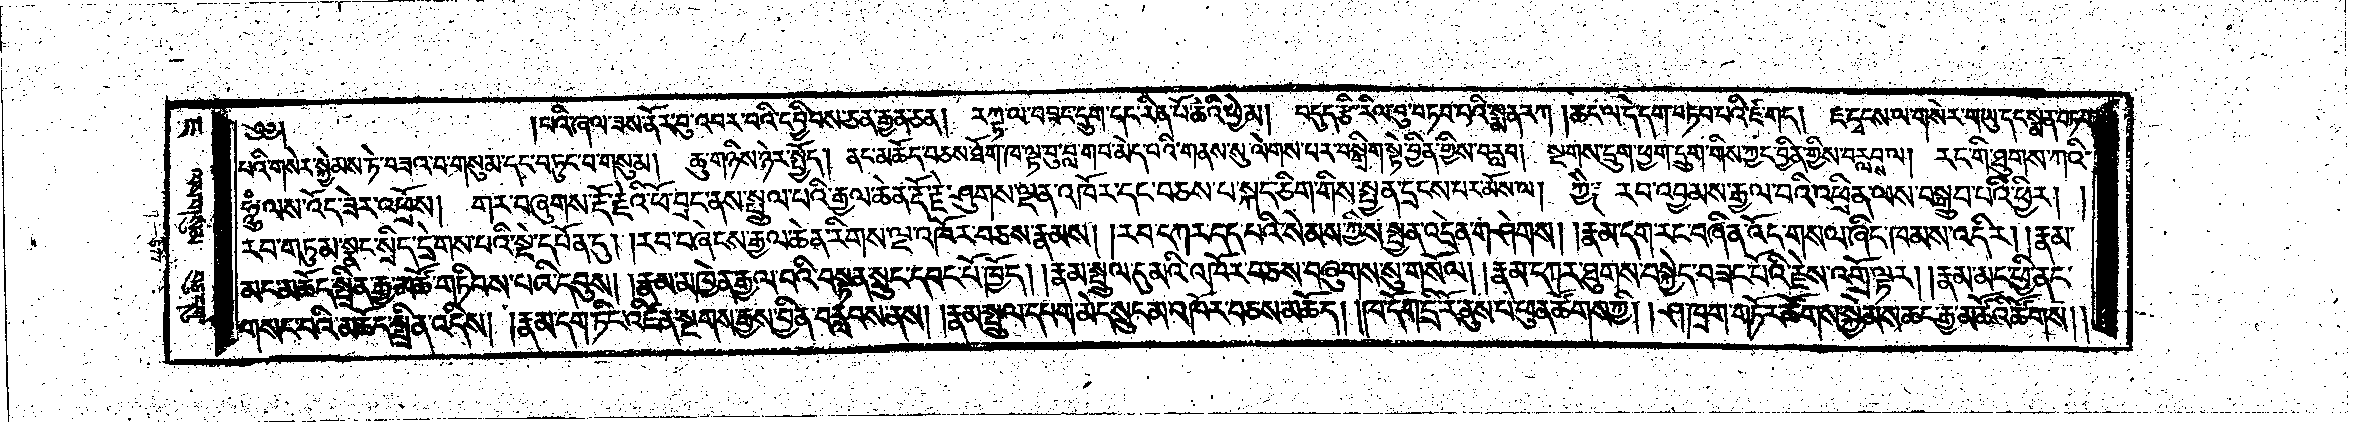༄༅། །པའི་ཞལ་ཟས་ནོར་བུ་འབར་བའི་དབྱིབས་ཅན་རྒྱན་ཅན། རཀྟ་ལ་བཟང་དྲུག་དང་རིན་པོ་ཆེའི་ཕྱེ་མ། བདུད་རྩི་རིལ་བུ་བཏབ་པའི་སྨན་རཀ །ཆང་ལ་དེ་དག་བཏབ་པའི་ཛ་གད། ཇ་དྭངས་ལ་གསེར་གཡུ་དང་སྨན་བཏབ་
པའི་གསེར་སྐྱེམས་ཏེ་བཟའ་བ་གསུམ་དང་བཏུང་བ་གསུམ། ཆུ་གཉིས་ཉེར་སྤྱོད། ནང་མཆོད་བཅས་ཐོག་ཁ་ལྟ་བུ་བླ་གབ་མེད་པའི་གནས་སུ་ལེགས་པར་བསྒྲིག་སྟེ་བྱིན་གྱིས་བརླབ། སྔགས་དྲུག་ཕྱག་དྲུག་གིས་ཀྱང་བྱིན་གྱིས་བརླབས་ལ། རང་གི་ཐུགས་ཀའི་
ཧཱུཾ་ལས་འོད་ཟེར་འཕྲོས། གར་བཞུགས་རྡོ་རྗེའི་ཕོ་བྲང་ནས་སྤྲུལ་པའི་རྒྱལ་ཆེན་རྡོ་རྗེ་ཤུགས་ལྡན་འཁོར་དང་བཅས་པ་སྐད་ཅིག་གིས་སྤྱན་དྲངས་པར་མོས་ལ། ཀྱཻ༑ རབ་འབྱམས་རྒྱལ་བའི་འཕྲིན་ལས་བསྒྲུབ་པའི་ཕྱིར། །
རབ་གཏུམ་སྣང་སྲིད་དྲེགས་པའི་སྡེ་དཔོན་དུ། །རབ་བཞེངས་རྒྱལ་ཆེན་རིགས་ལྔ་འཁོར་བཅས་རྣམས། །རབ་དཀར་དད་པའི་སེམས་ཀྱིས་སྤྱན་འདྲེན་གཤེགས། །རྣམ་དག་རང་བཞིན་འོད་གསལ་ཞིང་ཁམས་འདིར། །རྣམ་
མང་མཆོད་སྤྲིན་རྒྱ་མཚོ་གཏིབས་པའི་དབུས། །རྣམ་མཁྱེན་རྒྱལ་བའི་བསྟན་སྲུང་དབང་པོ་ཁྱོད། །རྣམ་སྦྲུལ་དུ་མའི་འཁོར་བཅས་བཞུགས་སུ་གསོལ། །རྣམ་དཀར་ཐུགས་བསྐྱེད་བཟང་པོའི་རྗེས་འགྲོ་ལྟར། །རྣམ་མང་ཕྱི་ནང་
གསང་བའི་མཆོད་སྤྲིན་འདིས། །རྣམ་དག་ཏིང་འཛིན་སྔགས་རྒྱས་བྱིན་བརླབས་ནས། །རྣམ་སྤྲུལ་དཔག་མེད་སྲུང་མ་འཁོར་བཅས་མཆོད། །ཁ་དོག་དྲི་རོ་ནུས་པ་ཕུན་ཚོགས་ཀྱི། །ཤ་ཁྲག་གཏོར་ཚོགས་སྐྱེམས་ཆང་རྒྱ་མཚོའི་ཚོགས། །